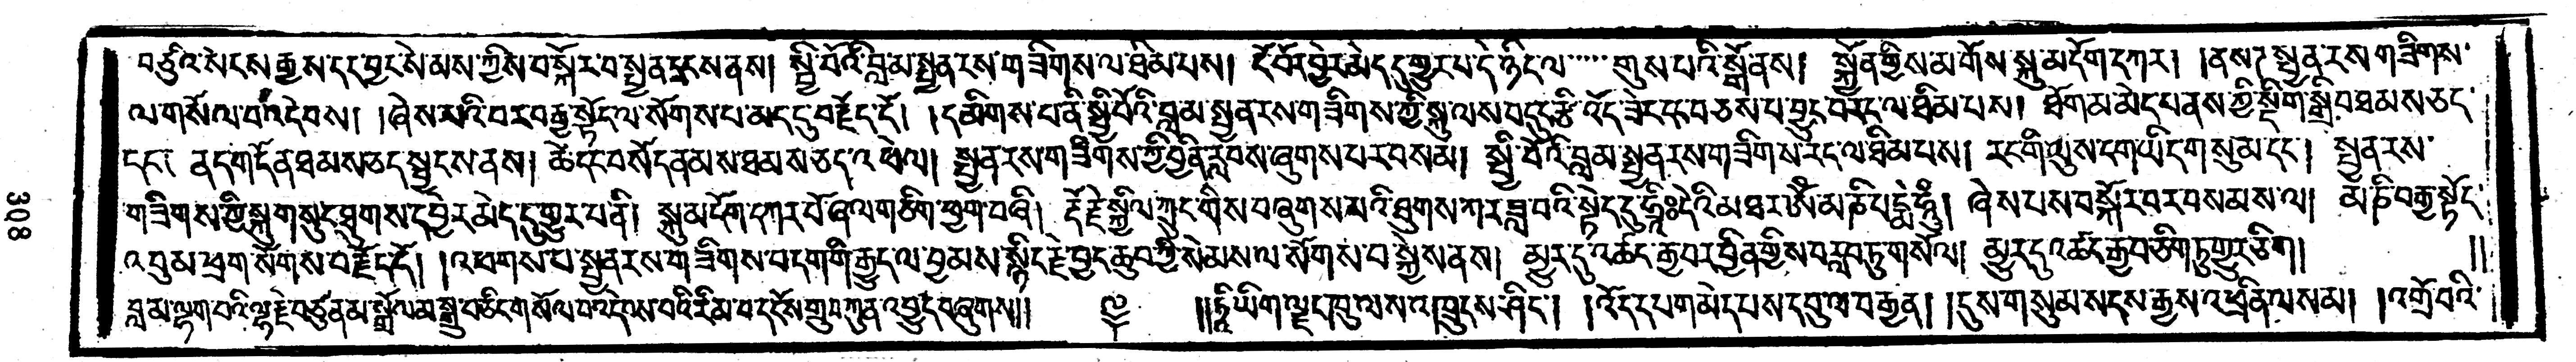བཅུའི་སངས་རྒྱས་དང་བྱང་སེམས་ཀྱིས་བ་སྐོར་བ་སྤྱན་དྲངས་ནས། སྦྱི་བོའི་བླ་མ་སྤྱན་རས་གཟིགས་ལ་ཐིམ་པས། ངོ་བོར་བྱེར་མེད་དུ་གྱུར་པ་དེ་ཉིད་ལ་གུས་པའི་སྒོ་ནས། སྐྱོན་གྱིས་མ་གོས་སྐུ་མདོག་དཀར། །ནས་ཌ་སྤྱན་རས་གཟིགས་
ལ་གསོལ་བ་འདེབས། །ཞེས་པའི་བར་བརྒྱ་སྟོང་ལ་སོགས་པ་མད་དུ་བརྗོད་དོ། །དམིགས་པ་ནི་སྤྱི་བོའི་བླ་མ་སྤྱན་རས་གཟིགས་ཀྱི་སྐུ་ལས་བདུད་རྩི་འོད་ཟེར་དང་བཅས་པ་བྱུང་བ་རང་ལ་ཐིམ་པས། ཐོག་མ་མེད་པ་ནས་ཀྱི་སྡིག་སྒྲིབ་ཐམས་ཅད་
དང༑ ནད་གདོན་ཐམས་ཅད་སྦྱངས་ནས། ཚེ་དང་བསོད་ནམས་ཐམས་ཅད་འཕེལ། སྤྱན་རས་གཟིགས་ཀྱི་བྱིན་རླབས་ཞུགས་པར་བསམ། སྤྱི་བོའི་བླ་མ་སྤྱན་རས་གཟིགས་རང་ལ་ཐིམ་པས། རང་གི་ལུས་ངག་ཡིད་གསུམ་དང་། སྤྱན་རས་
གཟིགས་ཀྱི་སྐུ་གསུང་ཐུགས་དབྱེར་མེད་དུ་གྱུར་པ་ནི། སྐུ་མདོག་དཀར་པོ་ཞལ་གཅིག་ཕྱག་བཞི། རྡོ་རྗེ་སྐྱིལ་ཀྲུང་གིས་བཞུགས་མའི་ཐུགས་ཀར་ཟླ་བའི་སྟེང་དུ་ཧྲཱིཿ དེའི་མཐར་ཨོཾ་མ་ཎི་པདམེ་ཧཱུཾ། ཞེས་པས་བསྐོར་བར་བསམས་ལ། མ་ཎི་བརྒྱ་སྟོང་
འབུམ་ཕྲག་སོགས་བརྗོད་དོ། །འཕགས་པ་སྤྱན་རས་གཟིགས་བདག་གི་རྒྱུད་ལ་བྱམས་སྙིང་རྗེ་བྱང་ཆུབ་ཀྱི་སེམས་ལ་སོགས་པ་སྐྱེས་ནས། མྱུར་དུ་འཚང་རྒྱ་བར་བྱིན་གྱིས་བརླབ་ཏུ་གསོལ། མྱུར་དུ་འཚང་རྒྱབ་ཅིག་ཏུ་གྱུར་ཅིག། །།
བླ་མ་ལྷག་པའི་ལྷ་རྗེ་བཙུན་མ་སྒྲོལ་མ་སྒྲུབ་ཅིང་གསོལ་བ་འདེབས་པའི་རིམ་པ་དངོས་གྲུབ་ཀུན་འབྱུད་བཞུགས།། ༈ །།ཏཱི་ཡིག་ལྗང་ཁུ་ལས་འཁྲུངས་ཤིང་། །འོད་དཔག་མེད་པས་དབུ་ལ་བརྒྱན། །དུས་གསུམ་སངས་རྒྱས་འཕྲིན་ལས་མ། །འགྲོ་བའི་